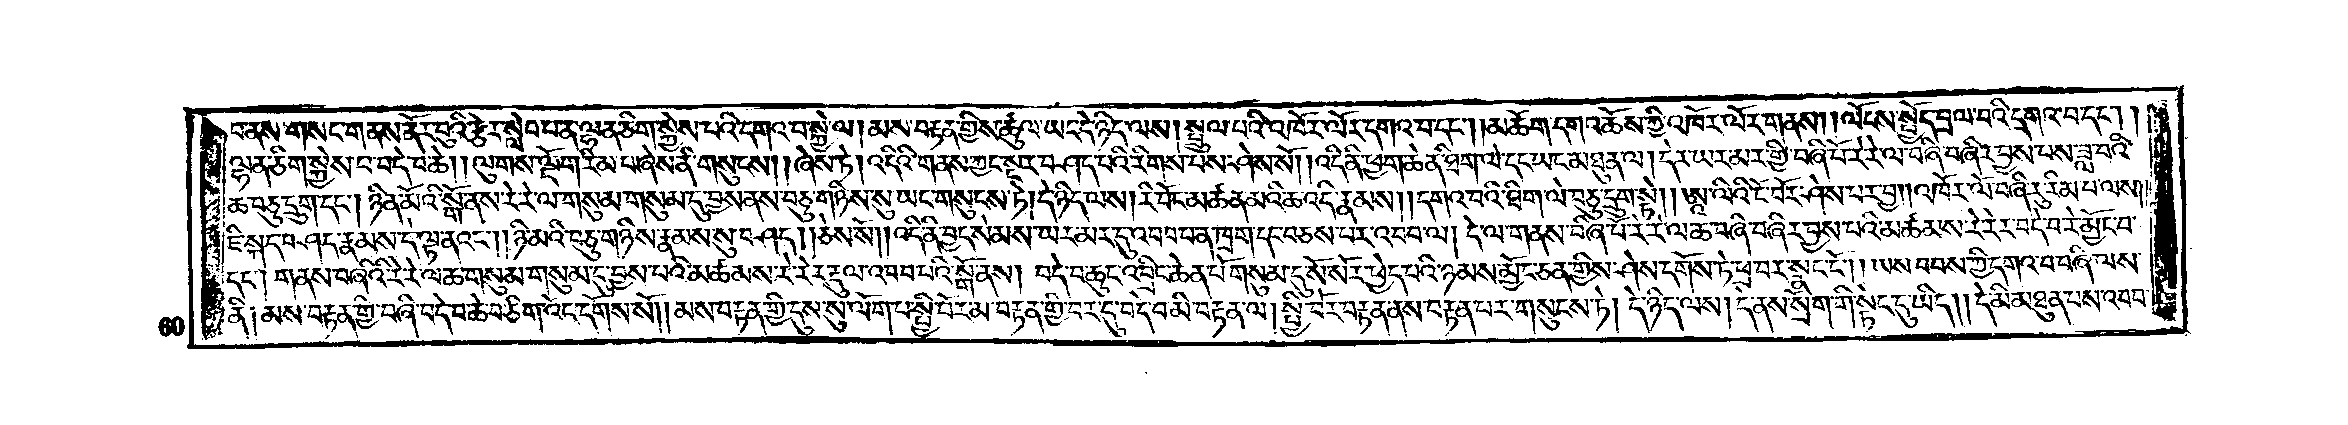བ་ནས་གསང་གནས་ནོར་བུའི་རྩེར་སླེབ་པ་ན་ལྷན་ཅིག་སྐྱེས་པའི་དགའ་བ་སྐྱེ་ལ། མས་བརྟན་གྱིས་ཚུལ་ཡང་དེ་ཉིད་ལས། སྤྲུལ་པའི་འཁོར་ལོར་དགའ་བ་དང་། །མཆོག་དགའ་ཆོས་ཀྱི་འཁོར་ལོར་གནས། །ལོངས་སྤྱོད་བྲལ་བའི་དགའ་བ་དང་། །
ལྷན་ཅིག་སྐྱེས་པ་བདེ་བ་ཆེ། །ལུགས་ལྡོག་རིམ་པ་ཞེས་ནི་གསུངས། །ཞེས་ཏེ། འདིའི་གནས་ཀྱང་སྔར་བཤད་པའི་རིགས་པས་ཤེས་སོ། །འདི་ནི་ཕྱག་ཆེན་ཐིག་ལེ་དང་ཡང་མཐུན་ལ། དེར་ཡར་མར་གྱི་བཞི་པོ་རེ་རེ་ལ་བཞི་བཞིར་བྱས་པས་ཟླ་བའི་
ཆ་བཅུ་དྲུག་དང་། ཉིན་མོའི་སྒོ་ནས་རེ་རེ་ལ་གསུམ་གསུམ་དུ་བྱས་ནས་བཅུ་གཉིས་སུ་ཡང་གསུངས་ཏེ། དེ་ཉིད་ལས། རི་བོང་མཚན་མའི་ཆ་འདི་རྣམས། །དགའ་བའི་ཐིག་ལེ་བཅུ་དྲུག་སྟེ། །ཨཱ་ལིའི་ངོ་བོར་ཤེས་པར་བྱ། །འཁོར་ལོ་བཞི་རུ་རིམ་པ་ལས། །
ཇི་སྐད་བཤད་རྣམས་དེ་ལྟ་ནའང་། །ཉི་མའི་བཅུ་གཉིས་རྣམས་སུ་བཤད། །ཅེས་སོ། །འདི་ནི་བྱང་སེམས་ཡར་མར་དུ་འབབ་པ་ན་ཁྲག་དང་བཅས་པར་འབབ་ལ། དེ་ལ་གནས་བཞི་པོ་རེ་རེ་ལ་ཆ་བཞི་བཞིར་བྱས་པའི་མཚམས་རེ་རེར་བདེ་བ་རེ་མྱོང་བ་
དང་། གནས་བཞིའི་རེ་རེ་ལ་ཆ་གསུམ་གསུམ་དུ་བྱས་པའི་མཚམས་རེ་རེར་རྡུལ་འབབ་པའི་སྒོ་ནས། བདེ་བ་ཆུང་འབྲིང་ཆེན་པོ་གསུམ་དུ་སོ་སོར་ཕྱེད་པའི་ཉམས་མྱོང་ཅན་གྱིས་ཤེས་དགོས་ཏེ་ཕྲ་བར་སྣང་ངོ། །ཡས་བབས་ཀྱི་དགའ་བ་བཞི་ལས་
ནི། མས་བརྟན་གྱི་བཞི་བདེ་བ་ཆེ་བ་ཅིག་འོང་དགོས་སོ། །མས་བརྟན་གྱི་དུས་སུ་ལོག་པ་སྤྱི་བོར་མ་བརྟན་གྱི་བར་དུ་བདེ་བ་མི་བརྟན་ལ། སྤྱི་བོར་བརྟན་ནས་བརྟན་པར་གསུངས་ཏེ། དེ་ཉིད་ལས། དེ་ནས་སྲོག་གི་སྟེང་དུ་ཡིད། །དེ་མི་མཐུན་པས་འབབ་